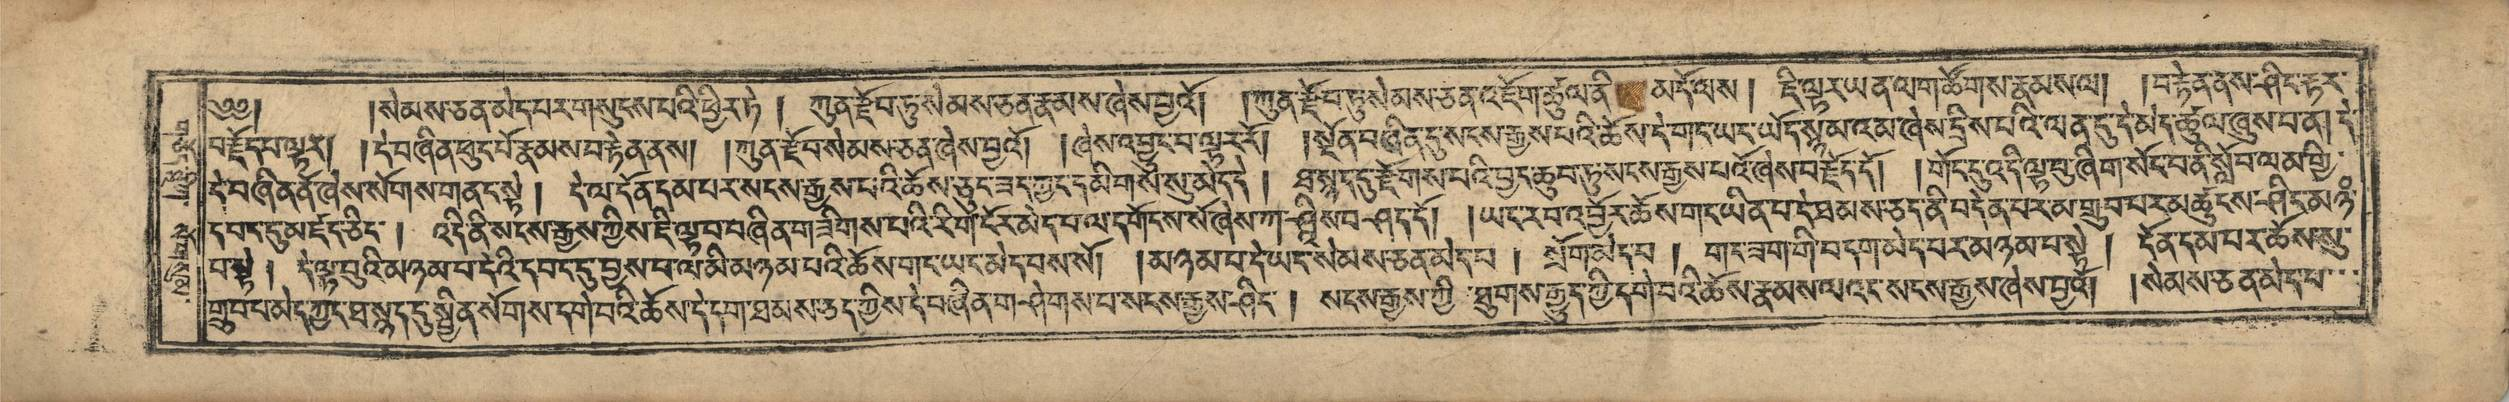༄༅། །སེམས་ཅན་མེད་པར་གསུངས་པའི་ཕྱིར་ཏེ། ཀུན་རྫོབ་ཏུ་སེམས་ཅན་རྣམས་ཞེས་བྱའོ། །ཀུན་རྫོབ་ཏུ་སེམས་ཅན་འཇོག་ཚུལ་ནི། མདོ་ལས། ཇི་ལྟར་ཡན་ལག་ཚོགས་རྣམས་ལ། །བརྟེན་ནས་ཤིང་རྟར་
བརྗོད་པ་ལྟར། །དེ་བཞིན་ཕུང་པོ་རྣམས་བརྟེན་ནས། །ཀུན་རྫོབ་སེམས་ཅན་ཞེས་བྱའོ། །ཞེས་འབྱུང་བ་ལྟར་རོ། །སྔོན་བཞིན་དུ་སངས་རྒྱས་པའི་ཆོས་དེ་གང་ཡང་ཡོད་སྙམ་འམ་ཞེས་དྲིས་པའི་ལན་དུ་དེ་མེད་ཚུལ་ཞུས་པ་ན། དེ་
དེ་བཞིན་ནོ་ཞེས་སོགས་གནང་སྟེ། དེ་ལ་དོན་དམ་པར་སངས་རྒྱས་པའི་ཆོས་ཅུང་ཟད་ཀྱང་དམིགས་སུ་མེད་དེ། ཐ་སྙད་དུ་རྫོགས་པའི་བྱང་ཆུབ་ཏུ་སངས་རྒྱས་པའོ་ཞེས་བརྗོད་དོ། །གོང་དུ་འདི་ལྟ་བུ་ཞིག་སོང་བ་ནི་སློབ་ལམ་གྱི་
དབང་དུ་མཛད་ཅིང་། འདི་ནི་སངས་རྒྱས་ཀྱིས་ཇི་ལྟ་བ་བཞིན་གཟིགས་པའི་རིག་ངོར་མེད་པ་ལ་དགོངས་སོ་ཞེས་ཀ་ཤཱིས་བཤད་དོ། །ཡང་རབ་འབྱོར་ཆོས་གང་ཡིན་པ་དེ་ཐམས་ཅད་ནི་བདེན་པར་མ་གྲུབ་པར་མཚུངས་ཤིང་མཉམ་
པ་སྟེ། དེ་ལྟ་བུའི་མཉམ་པ་དེའི་དབང་དུ་བྱས་པ་ལ་མི་མཉམ་པའི་ཆོས་གང་ཡང་མེད་པས་སོ། །མཉམ་པ་དེ་ཡང་སེམས་ཅན་མེད་པ། སྲོག་མེད་པ། གང་ཟག་གི་བདག་མེད་པར་མཉམ་པ་སྟེ། དོན་དམ་པར་ཆོས་སུ་
གྲུབ་པ་མེད་ཀྱང་ཐ་སྙད་དུ་སྦྱིན་སོགས་དགེ་བའི་ཆོས་དེ་དག་ཐམས་ཅད་ཀྱིས་དེ་བཞིན་གཤེགས་པ་སངས་རྒྱས་ཤིང་། སངས་རྒྱས་ཀྱི་ཐུགས་རྒྱུད་ཀྱི་དགེ་བའི་ཆོས་རྣམས་ལའང་སངས་རྒྱས་ཞེས་བྱའོ། །སེམས་ཅན་མེད་པ་